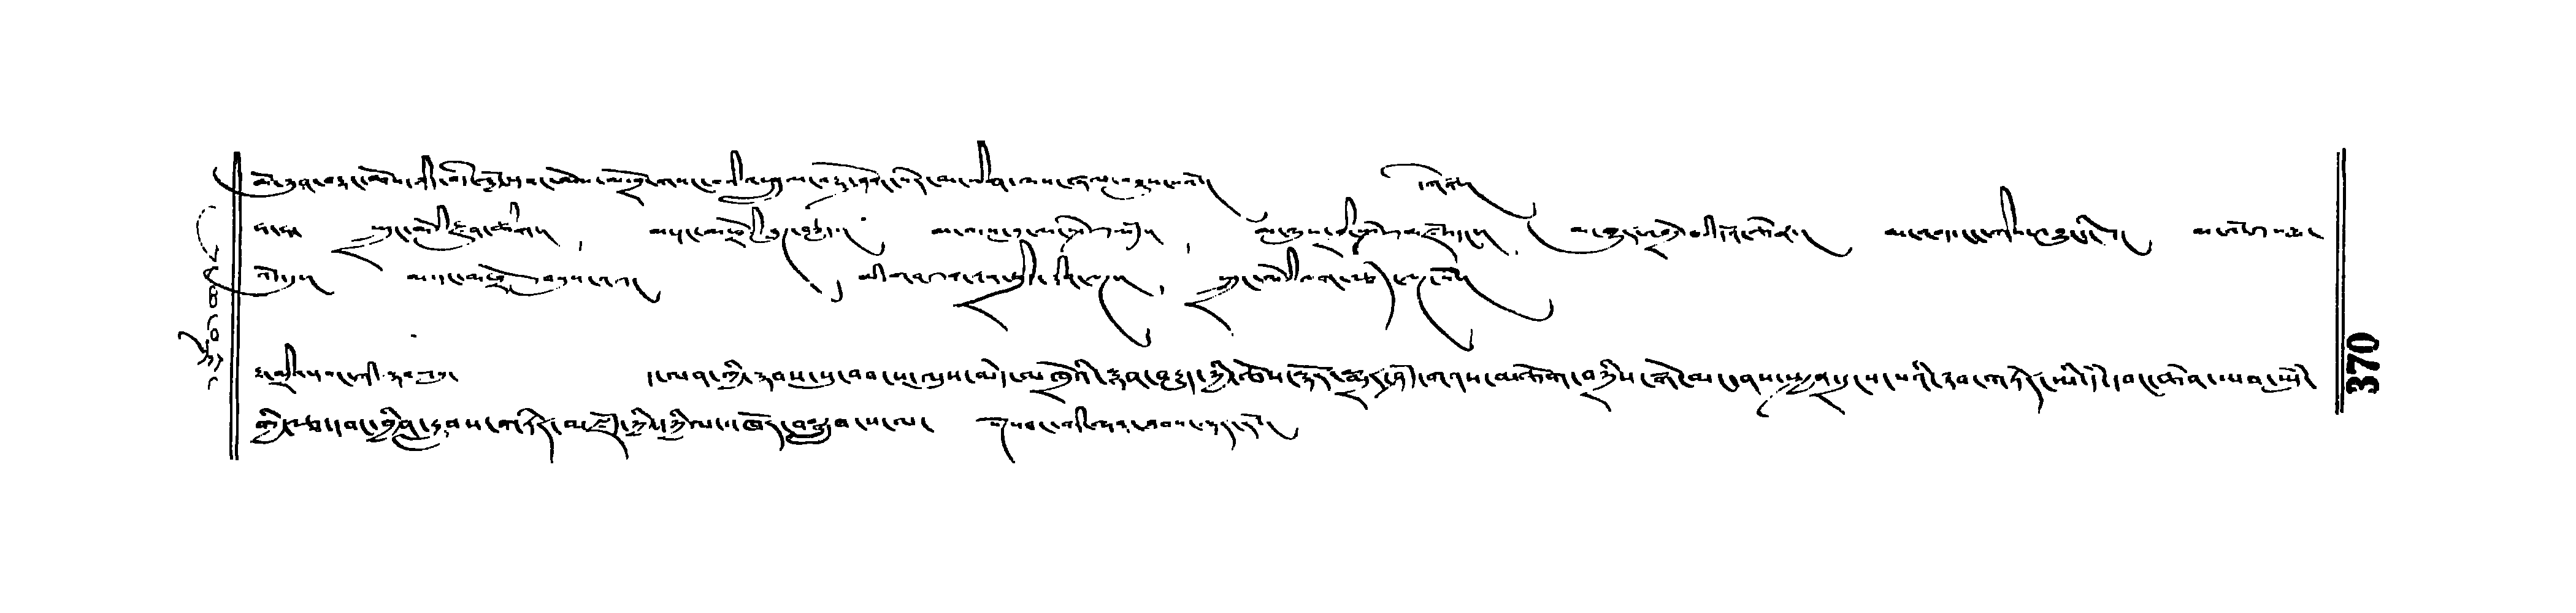མོ་ཀུན་བཟང་ཆོས་ཉིད་བདེ་སྐྱོང་དབང་མོས་མཁའ་འགྲོ་གསང་བའི་འཕྲུལ་བརྡ་ཤོག་སེར་མ་ཡིག་ལས་ཞལ་བཤུས་པའོ།། དགེའོ། 
ཧ་ཧ་ སྤྲང་མོའི་རྫུན་ཚིག །མ་དང་མཁའ་འགྲོའི་ཐུགས་བཅུད། །མ་ལས་བུ་ལ་སྤེལ་ཡོད། །མ་ལུས་བྲི་སྤེལ་མཛོད་དང་། །མ་གྱུར་འགྲོ་བའི་དོན་ཆེན། །མ་འབད་ངང་གིས་འབྱུང་ངེས། །མ་འོངས་པདྨ་
འོད་དུ། །མ་དང་མཁའ་འགྲོས་བསུས་ནས། །མི་གནས་གཏན་སྲིད་ཟིན་ལགས། །སྤྲང་མོའི་ལག་རྩེད་ལགས་སོ།། 
རྟ་མགྲིན་དབང་གི་སྐབས་སུ། ད་ལན་གྱི་སྐབས་སུ་བབ་པ་ལུས་མེད་མཁའ་འགྲོའི་སྙན་བརྒྱུད་ཀྱི་ཆོས་སྐོར་སྨྲར་ཤོད་གནས་མཆོག་བཀྲ་ཤིས་སྒོ་མང་ནས་སྤྱན་དྲངས་པའི་ཟབ་གཏེར་ཡི་དམ་དབང་ཆེན་ཡབ་ཡུམ་
གྱི་རྩ་དབང་བྱིན་རླབས་གཏེར་མཛོད་ཀྱི་དཀྱིལ་འཁོར་བསྒྲུབ་པ་ལ༴སོགས་དབང་གི་ལྷན་ཐབས་ལྟར་རོ།།